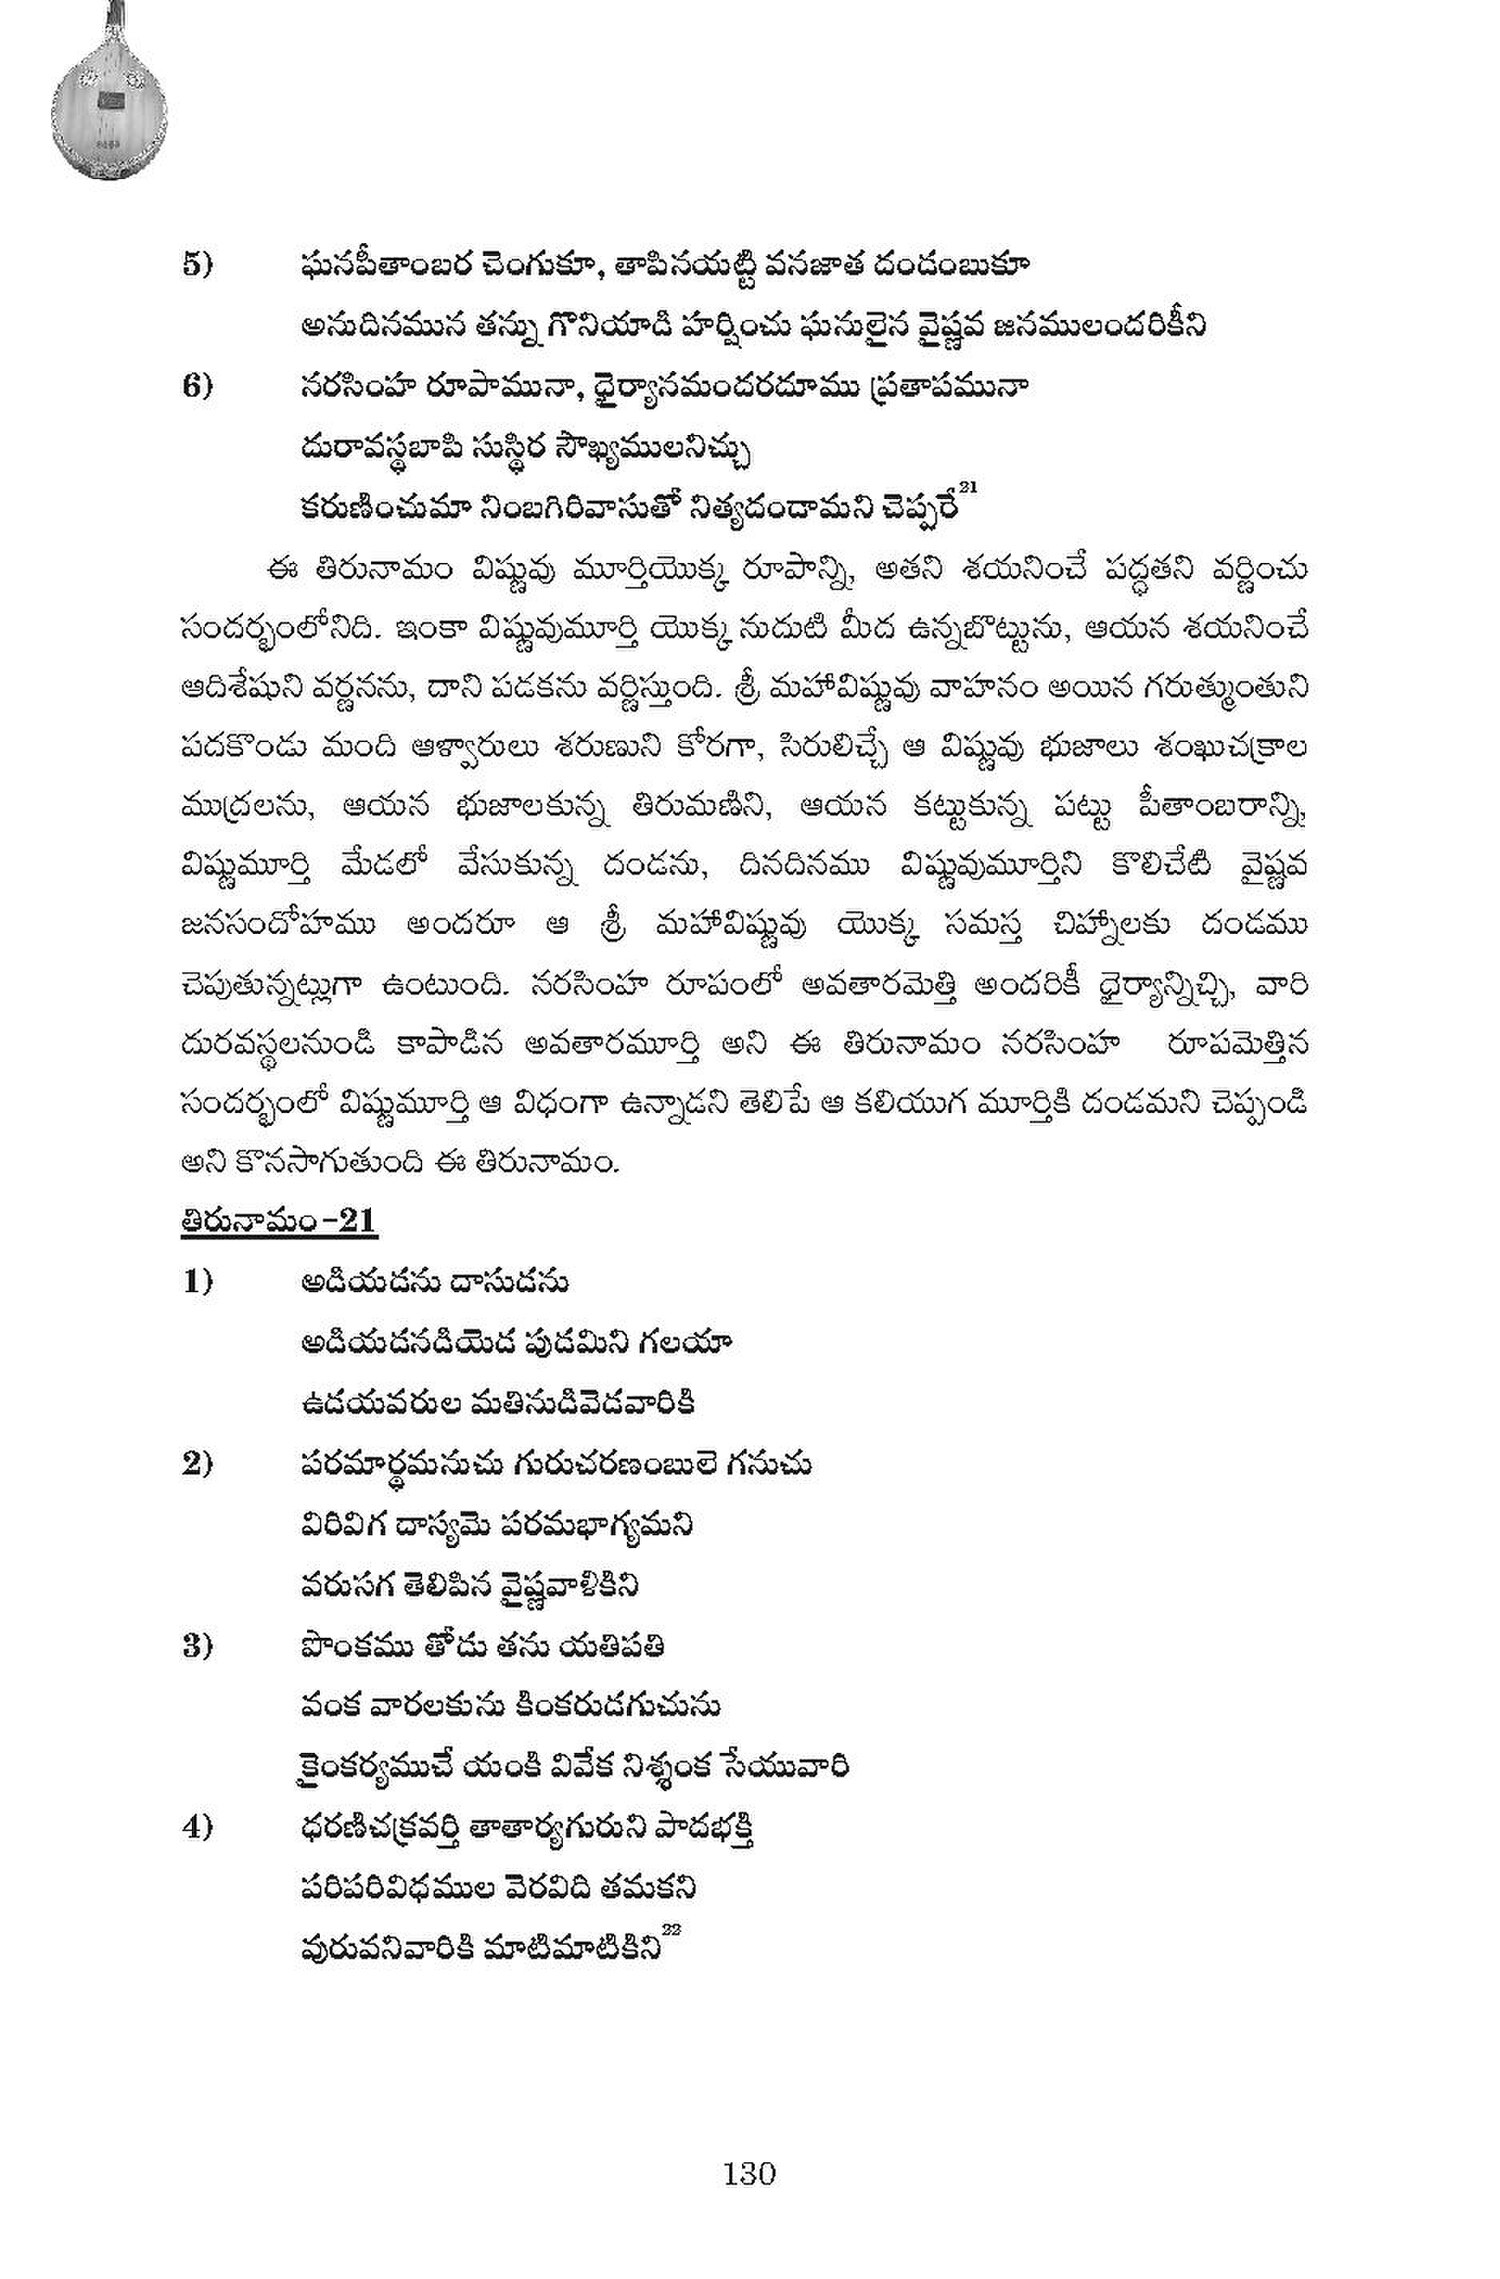5) ఘనపీతాంబర చెంగుకూ, తాపినయట్టి వనజాత దండంబుకూ
అనుదినమున తన్ను గొనియాడి హర్షించు ఘనులైన వైష్ణవ జనములందరికీని

6) నరసింహ రూపామునా, ధైర్యానమందరదూము ప్రతాపమునా
దురావస్థబాపి సుస్థిర సౌఖ్యములనిచ్చు
కరుణించుమా నింబగిరివాసుతో నిత్యదందామని చెప్పరే21

ఈ తిరునామం విష్ణువు మూర్తియొక్క రూపాన్ని, అతని శయనించే పద్ధతని వర్ణించు సందర్భంలోనిది. ఇంకా విష్ణువుమూర్తి యొక్క నుదుటి మీద ఉన్నబొట్టును, ఆయన శయనించే ఆదిశేషుని వర్ణనను, దాని పడకను వర్ణిస్తుంది. శ్రీ మహావిష్ణువు వాహనం అయిన గరుత్మంతుని పదకొండు మంది ఆళ్వారులు శరుణుని కోరగా, సిరులిచ్చే ఆ విష్ణువు భుజాలు శంఖుచక్రాల
ముద్రలను, ఆయన భుజాలకున్న తిరుమణిని, ఆయన కట్టుకున్న పట్టు పీతాంబరాన్ని, విష్ణుమూర్తి మేడలో వేసుకున్న దండను, దినదినము విష్ణువుమూర్తిని కొలిచేటి వైష్ణవ జనసందోహము అందరూ ఆ శ్రీ మహావిష్ణువు యొక్క సమస్త చిహ్నాలకు దండము చెపుతున్నట్లుగా ఉంటుంది. నరసింహ రూపంలో అవతారమెత్తి అందరికీ ధైర్యాన్నిచ్చి, వారి
దురవస్థలనుండి కాపాడిన అవతారమూర్తి అని ఈ తిరునామం నరసింహ రూపమెత్తిన సందర్భంలో విష్ణుమూర్తి ఆ విధంగా ఉన్నాడని తెలిపే ఆ కలియుగ మూర్తికి దండమని చెప్పండి అని కొనసాగుతుంది ఈ తిరునామం.

తిరునామం-21

1) అడియడను దాసుడను
అడియదనడియెడ పుడమిని గలయా
ఉడయవరుల మతినుడివెడవారికి

2) పరమార్థమనుచు గురుచరణంబులె గనుచు
విరివిగ దాస్యమె పరమభాగ్యమని
వరుసగ తెలిపిన వైష్ణవాళికిని

3) పొంకము తోడు తను యతిపతి
వంక వారలకును కింకరుడగుచును
కైంకర్యముచే యంకి వివేక నిశ్శంక సేయువారి

4) ధరణిచక్రవర్తి తాతార్యగురుని పాదభక్తి
పరిపరివిధముల వెరవిది తమకని
వురువనివారికి మాటిమాటికిని22